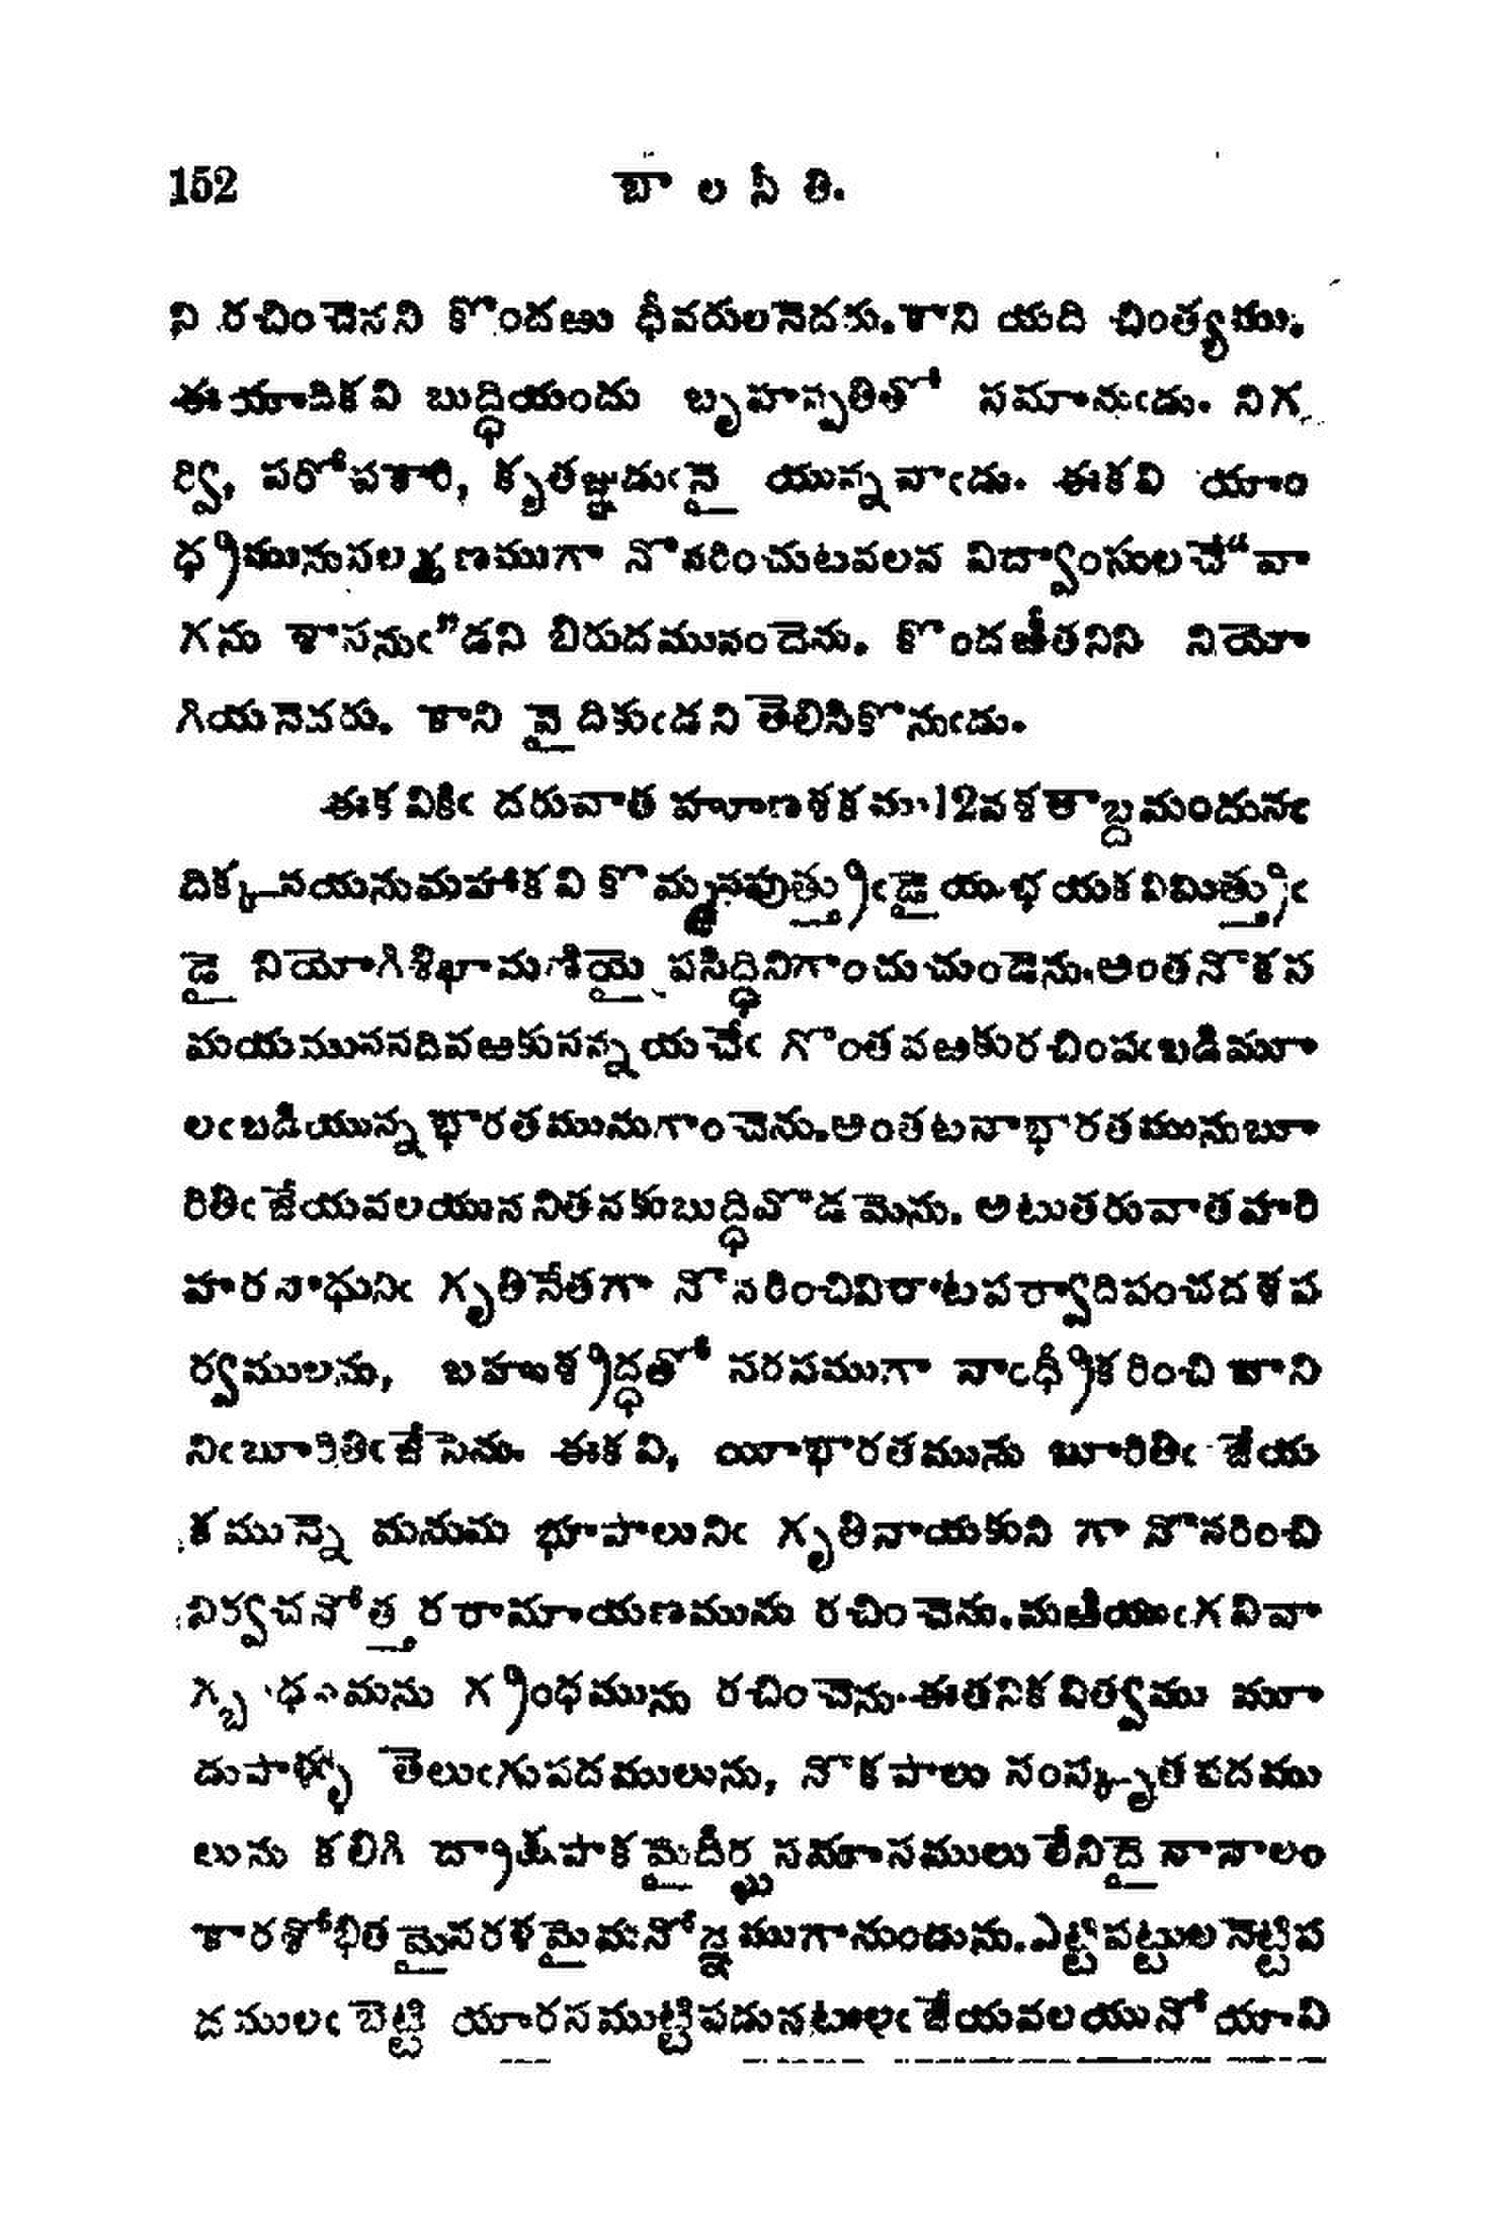ని రచించెనని కొందఱు ధీవరులనెదరు. కాని యది చింత్యము. 
ఈయాదికవి బుద్ధియందు బృహస్పతితో సమానుఁడు. నిగ
ర్వి, పరోపకారి, కృతజ్ఞుడుఁనై యున్నవాఁడు. ఈకవి యాం
ధ్రమునుసలక్షణముగా నొనరించుటవలన విద్వాంసులచే "వా
గను శాసనుఁ"డని బిరుదమునందెను. కొందఱీతనిని నియో
గియనెదరు. కాని వైదికుఁడని తెలిసికొనుఁడు. 

ఈకవికిఁ దరువాత హూణశకము 12వ శతాబ్దమందునఁ 
దిక్కనయనుమహాకవి కొమ్మనపుత్త్రుఁడై యుభయకవిమిత్త్రుఁ
డై నియోగిశిఖామణియై ప్రసిద్ధినిగాంచుచుండెను. అంతనొకస
మయమున నదివఱకు నన్నయచేఁ గొంతవఱకు రచింపఁబడిమూ
లఁబడియున్న భారతమునుగాంచెను. అంతటనాభారతమును బూ
రితిఁజేయవలయునని తనకుబుద్ధివొడమెను. అటుతరువాత హరి
హరనాధునిఁ గృతినేతగా నొనరించివిరాటపర్వాది పంచదశప
ర్వములను, బహుశ్రద్ధతో సరసముగా నాంధ్రీకరించి వాని
నిఁబూరితిఁజేసెను. ఈకవి, యీభారతమును బూరితిఁ జేయ
కమున్నె మనుమ భూపాలునిఁ గృతినాయకుని గా నొనరించి 
నిర్వచనోత్తరరామాయణమును రచించెను. మఱియుఁగవివా
గ్బంధనమను గ్రంధమును రచించెను. ఈతనికవిత్వము మూ
డుపాళ్ళు తెలుఁగుపదములును, నొకపాలు సంస్కృతపదము
లును కలిగి ద్రాక్షపాకమైదీర్ఘసమాసములు లేనిదై నానాలం
కారశోభితమైసరళమైమనోజ్ఞముగా నుండును. ఎట్టిపట్టుల నెట్టిప
దములఁ బెట్టి యారసముట్టిపడునటులఁ జేయవలయునో యావి